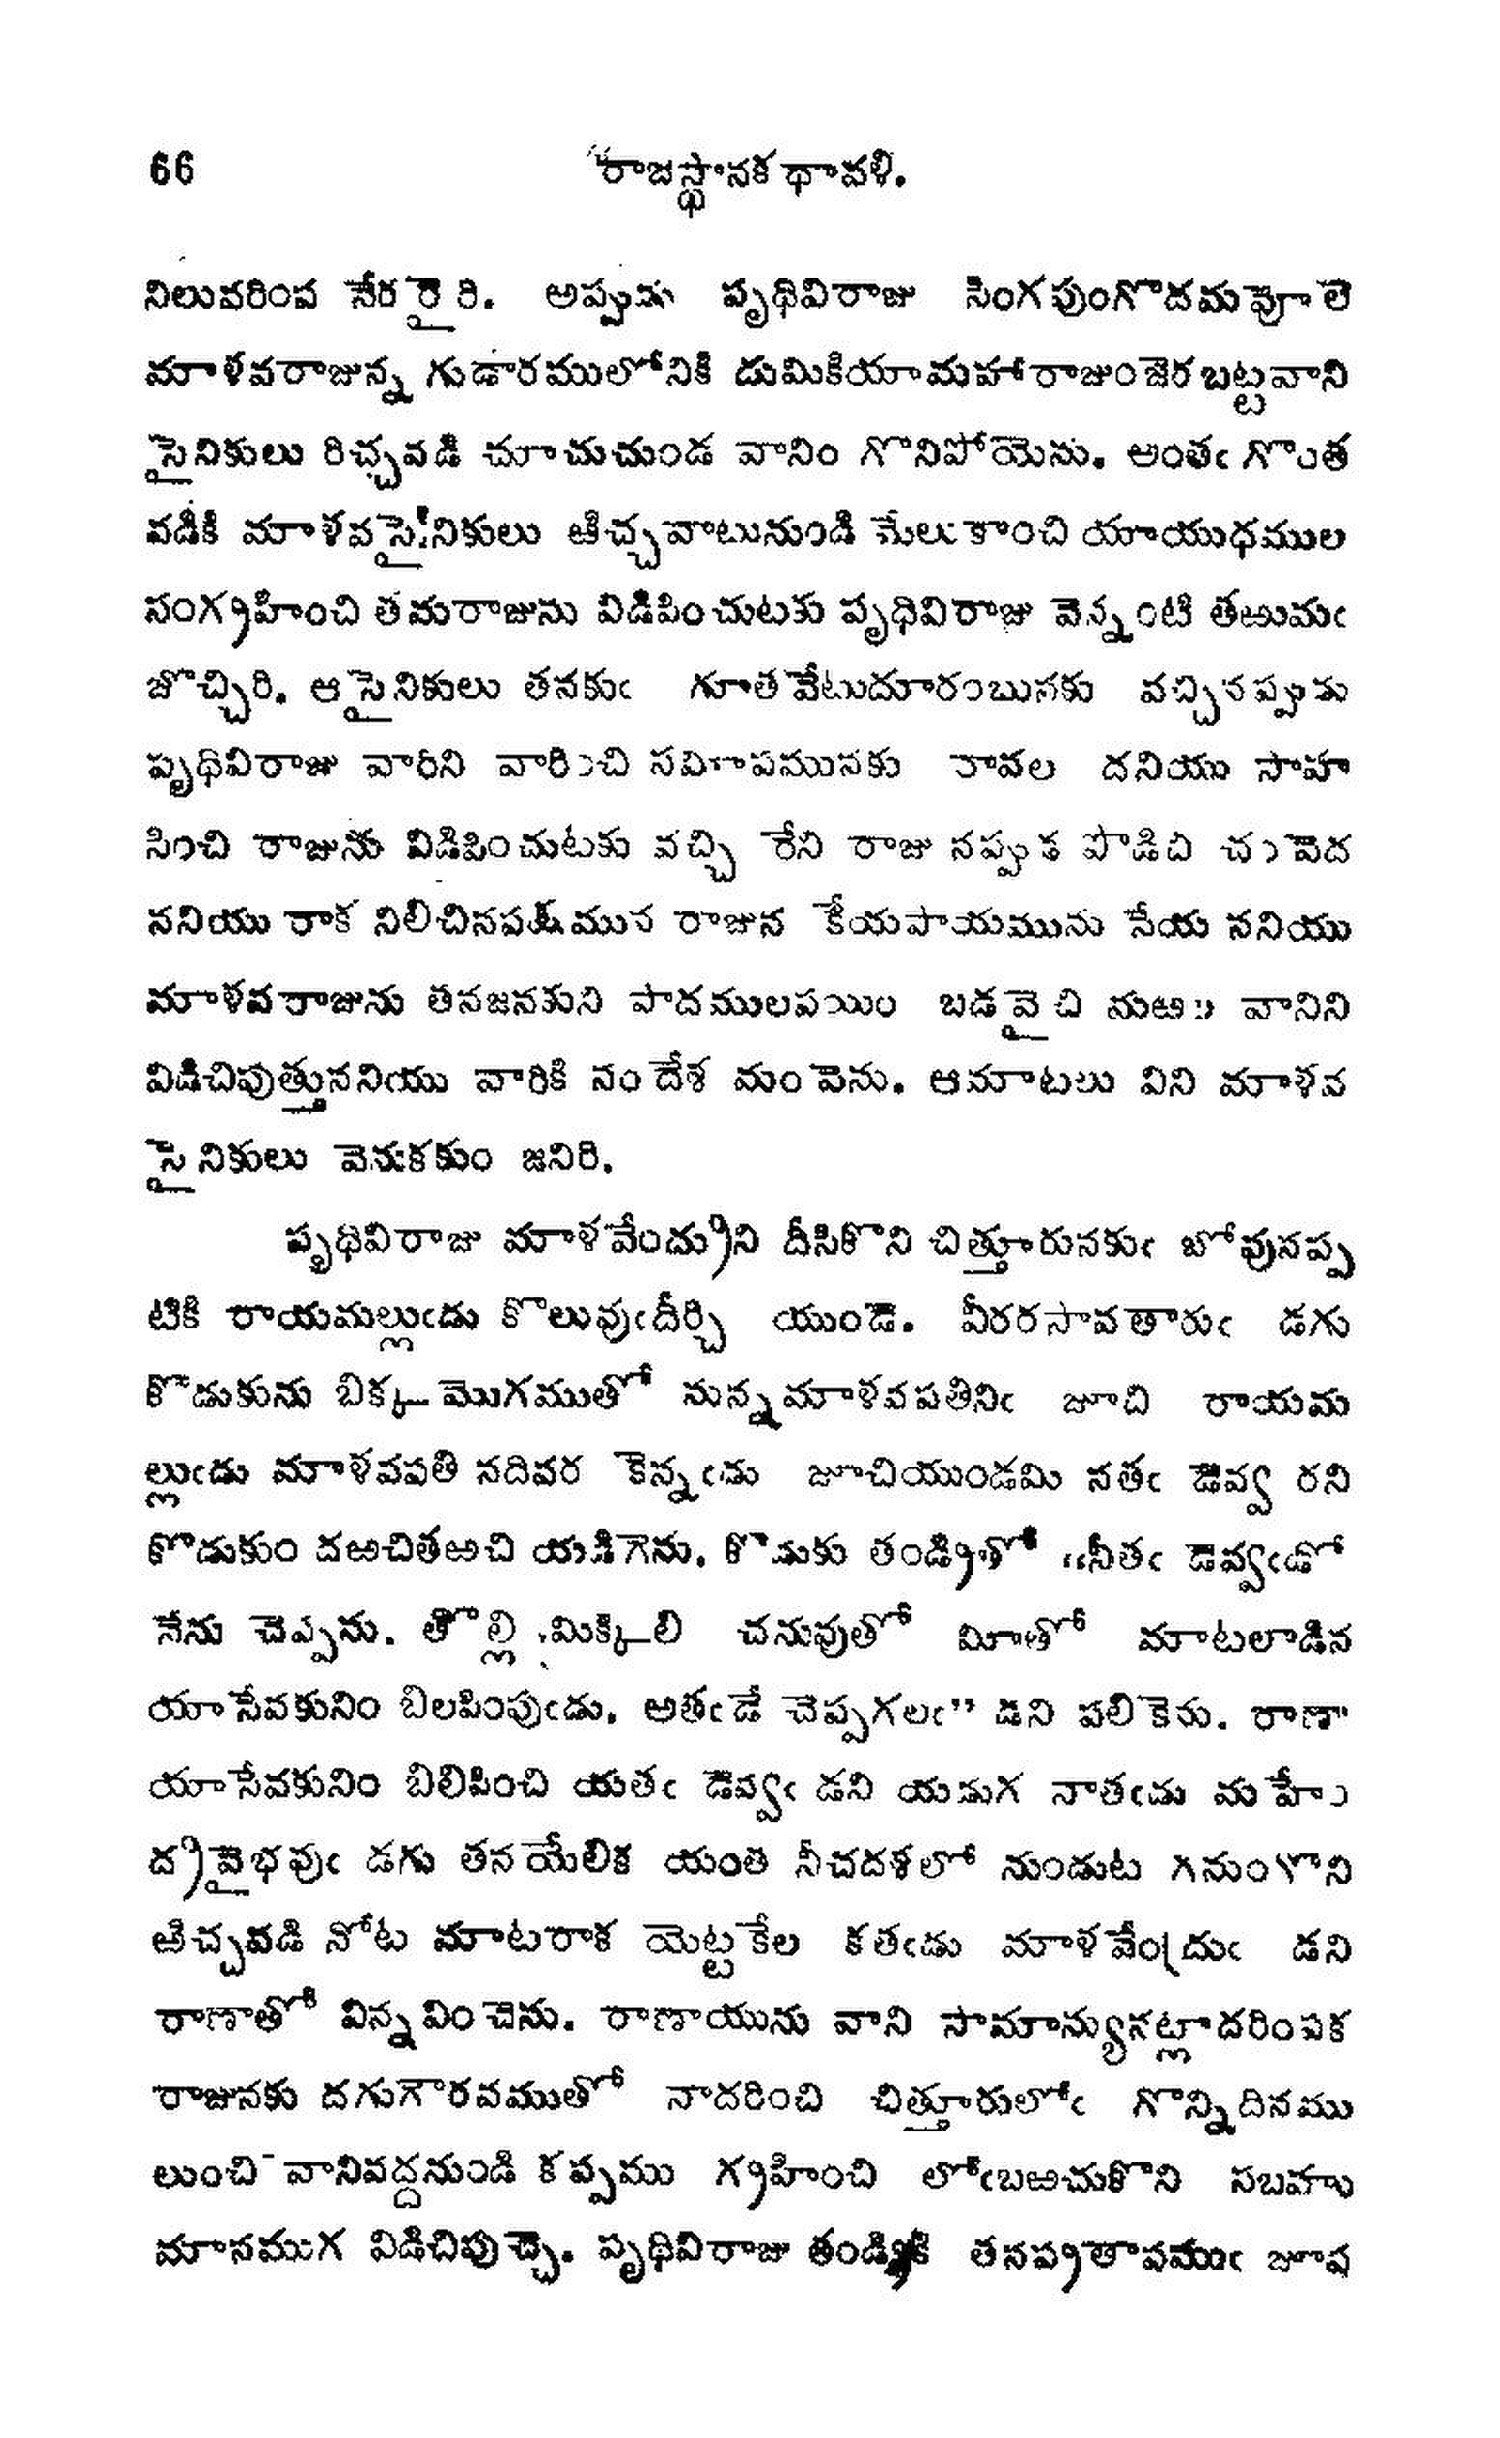నిలువరింప నేరరైరి. అప్పుడు పృథివిరాజు సింగపుంగొదమవోలే మాళవరాజున్న గుడారములోనికి దుమికియామహారాజుం జెరబట్ట వాని
సైనికులు రిచ్చవడి చూచుచుండ వానిం గొనిపోయెను. అంతఁ గొంత వడికి మాళవ సైనికులు ఱిచ్చవాటునుండి మేలు కాంచి యాయుధముల సంగ్రహించి తమరాజును విడిపించుటకు పృధివి రాజు వెన్నంటి తఱుమఁ జొచ్చిరి. ఆ సైనికులు తనకుఁ
గూతవేటు దూరంబునకు వచ్చినప్పుడు పృథివిరాజు వారిని వారించి సవిూపమునకు రావల దనియు సాహసించి రాజును విడిపించుటకు వచ్చి రేని రాజు నప్పుడ పొడిచి చంపెదననియు రాక నిలిచినపక్షమున రాజున కేయపాయమును సేయ ననియు మాళవ రాజును తనజనకుని పాదములపయిం బడవైచి మఱల వానిని విడిచిపుత్తుననియు వారికి సందేశ మంపెను. ఆమాటలు విని మాళవ సైనికులు వెనుకకుం జనిరి.

పృథివిరాజు మాళవేంద్రుని దీసికొని చిత్తూరునకుఁ బోవునప్పటికి రాయమల్లుఁడు కొలువుఁ దీర్చి యుండె. వీరరసావతారుఁ డగు కొడుకును బిక్క మొగముతో నున్నమాళవపతినిఁ జూచి రాయమల్లుఁడు మాళవపతి నదివర కెన్నఁడు జూచియుండమి నతఁ డెవ్వ రని కొడుకుం దఱచితఱచి యడిగెను. కొడుకు తండ్రితో "నీతఁ డెవ్వఁడో నేను చెప్పను. తొల్లి మిక్కిలి చనువుతో మీతో మాటలాడిన యా సేవకునిం బిలపింపుఁడు, అతఁడే చెప్పగలఁ" డని పలికెను. రాణా యా సేవకునిం బిలిపించి యతఁ డెవ్వఁ డని యడుగ నాతఁచు మహేంద్ర
వైభవుఁ డగు తన యేలిక యంత నీచదశలో నుండుట గనుంగోని ఱిచ్చవడి నోట మాటరాక యెట్టకేల కతఁడు మాళవేంద్రుఁ డని
రాణాతో విన్నవించెను. రాణాయును వాని సొమాన్యునట్లాదరింపక రాజునకు దగు గౌరవముతో నాదరించి చిత్తూరులోఁ గొన్ని దినము లుంచి వాని వద్దనుండి కప్పము గ్రహించి లోబఱచుకొని సబహు మానముగ విడిచిపుచ్చె. పృథివిరాజు తండ్రికి తన ప్రతాపముఁ జూప